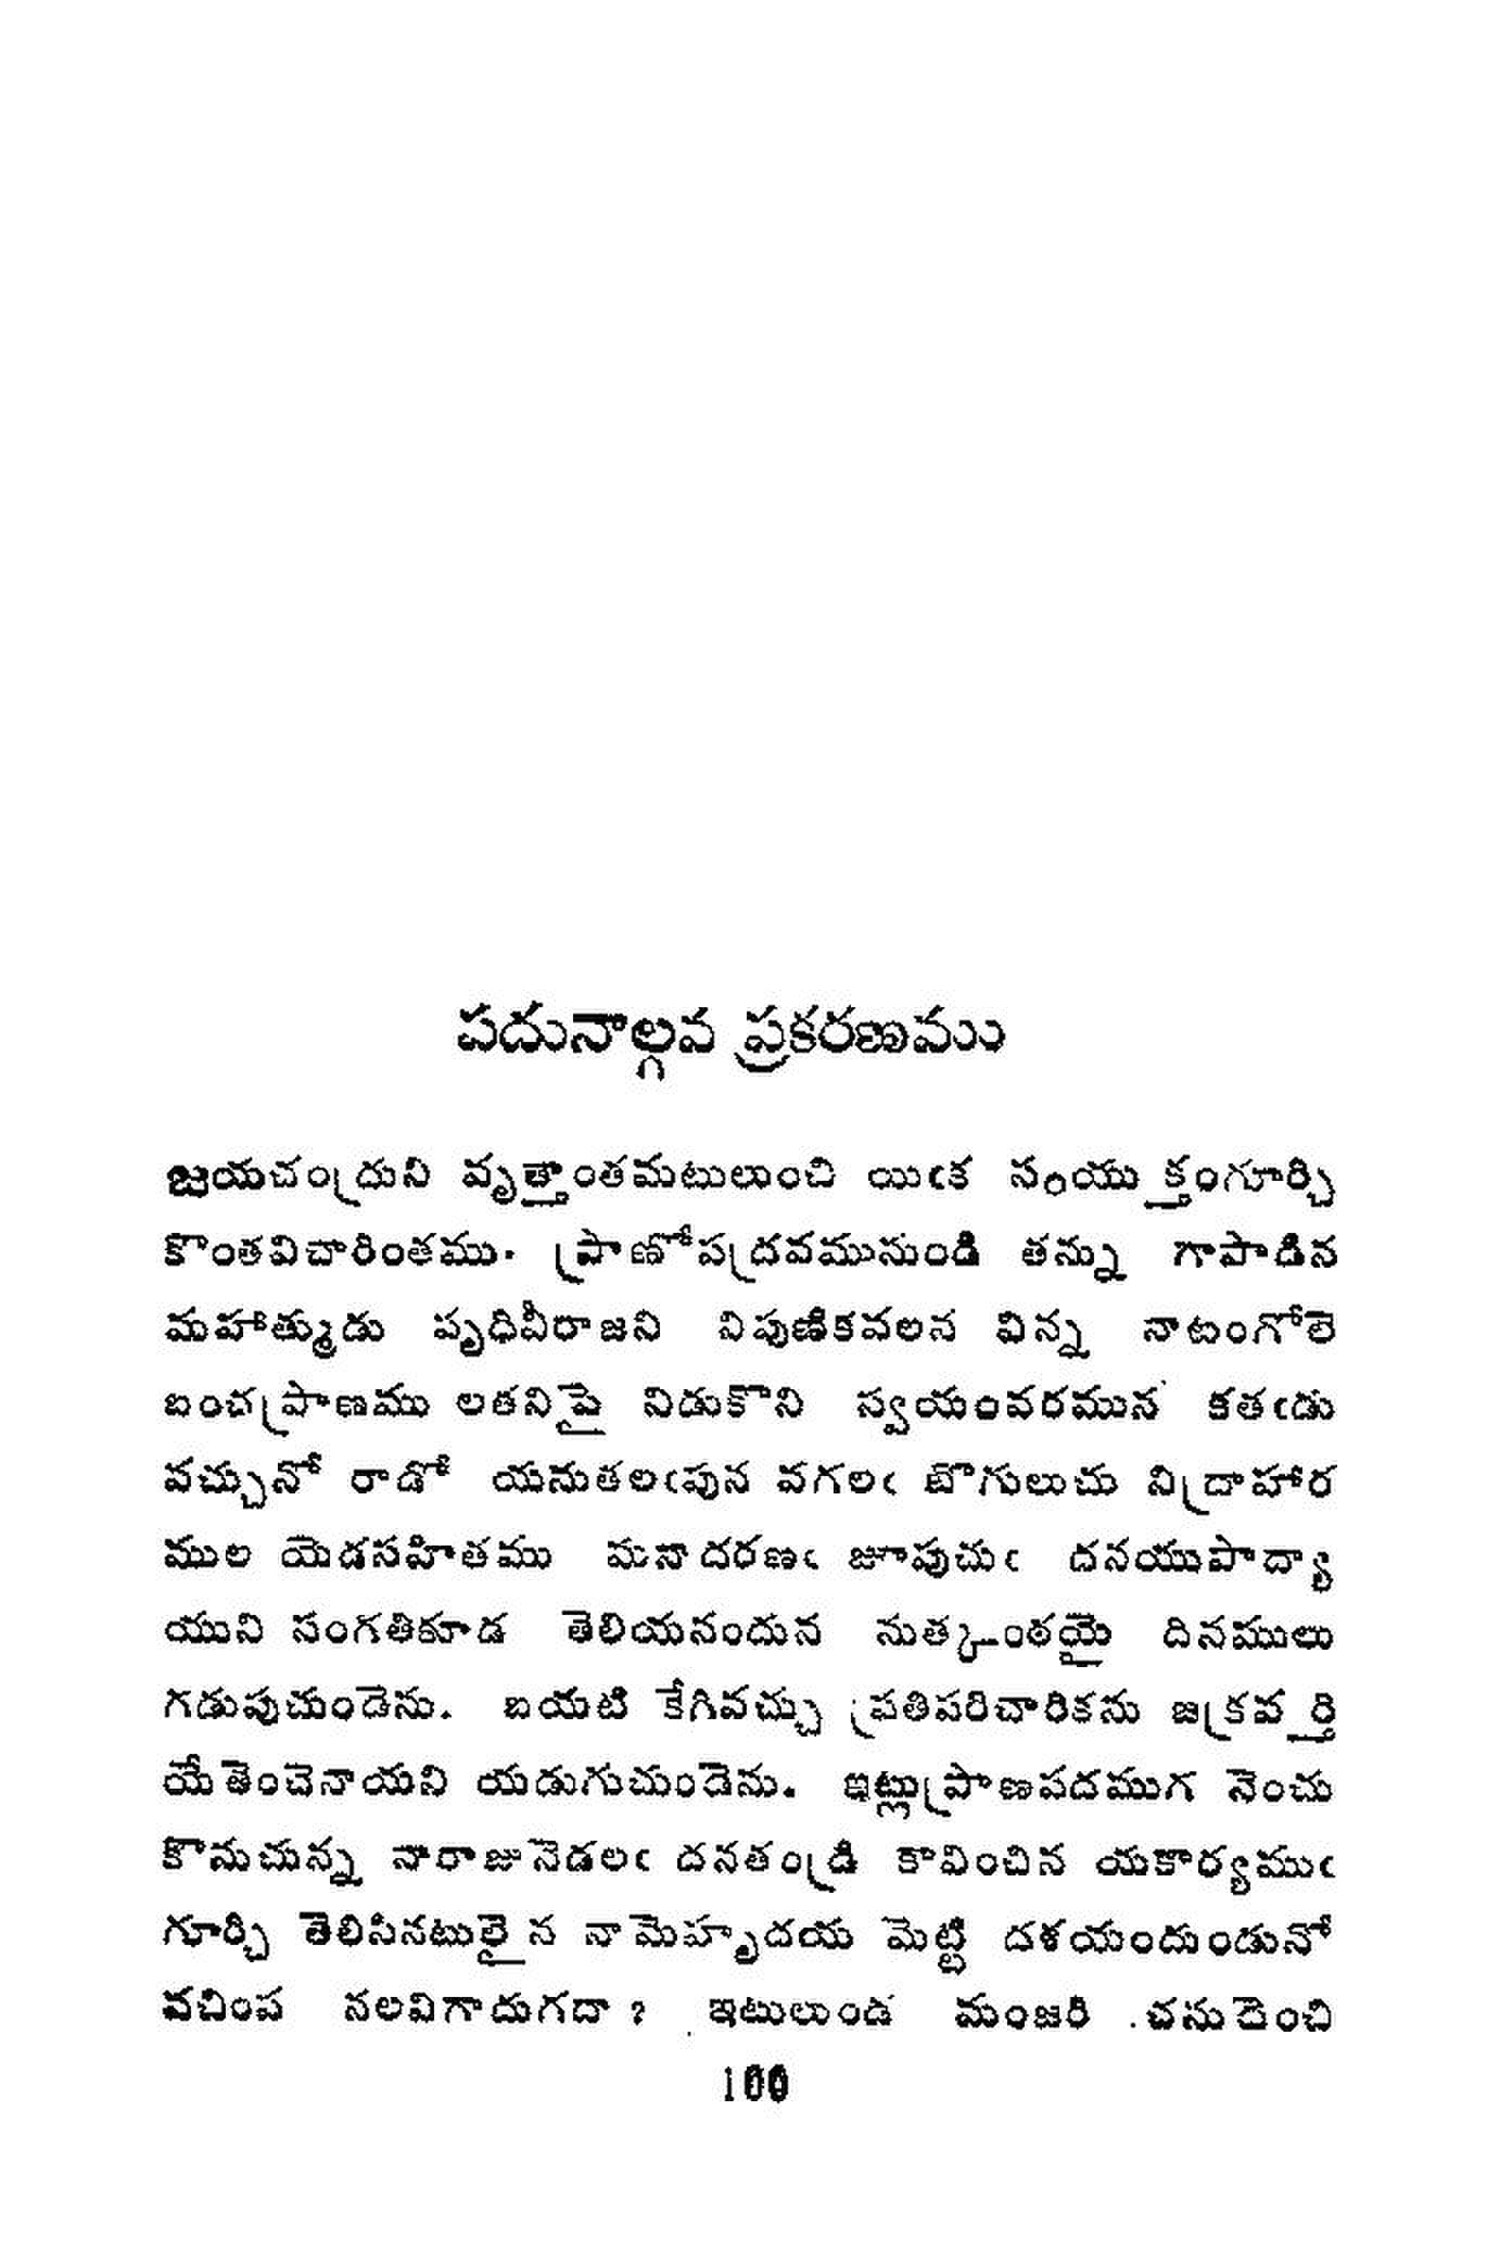పదునాల్గవ ప్రకరణము

యచంద్రుని వృత్తాంతమటులుంచి యిఁక సంయుక్తంగూర్చి కొంతవిచారింతము. ప్రాణోపద్రవమునుండి తన్ను గాపాడిన మహాత్ముడు పృధివీరాజని నిపుణికవలన విన్న నాటంగోలె బంచప్రాణము లతనిపై నిడుకొని స్వయంవరమున కతఁడు వచ్చునో రాడో యనుతలఁపున వగలఁ బొగులుచు నిద్రాహారముల యెడసహితము మనాదరణఁ జూపుచుఁ దనయుపాద్యాయుని సంగతికూడ తెలియనందున నుత్కంఠయై దినములు గడుపుచుండెను. బయటి కేగివచ్చు ప్రతిపరిచారికను జక్రవర్తి యేతెంచెనాయని యడుగుచుండెను. ఇట్లు ప్రాణపదముగ నెంచుకొనుచున్న నారాజు నెడలఁ దనతండ్రి కావించిన యకార్యముఁ గూర్చి తెలిసినటులైన నామెహృదయ మెట్టి దశయందుండునో వచింప నలవిగాదుగదా? ఇటులుండ మంజరి చనుదెంచి